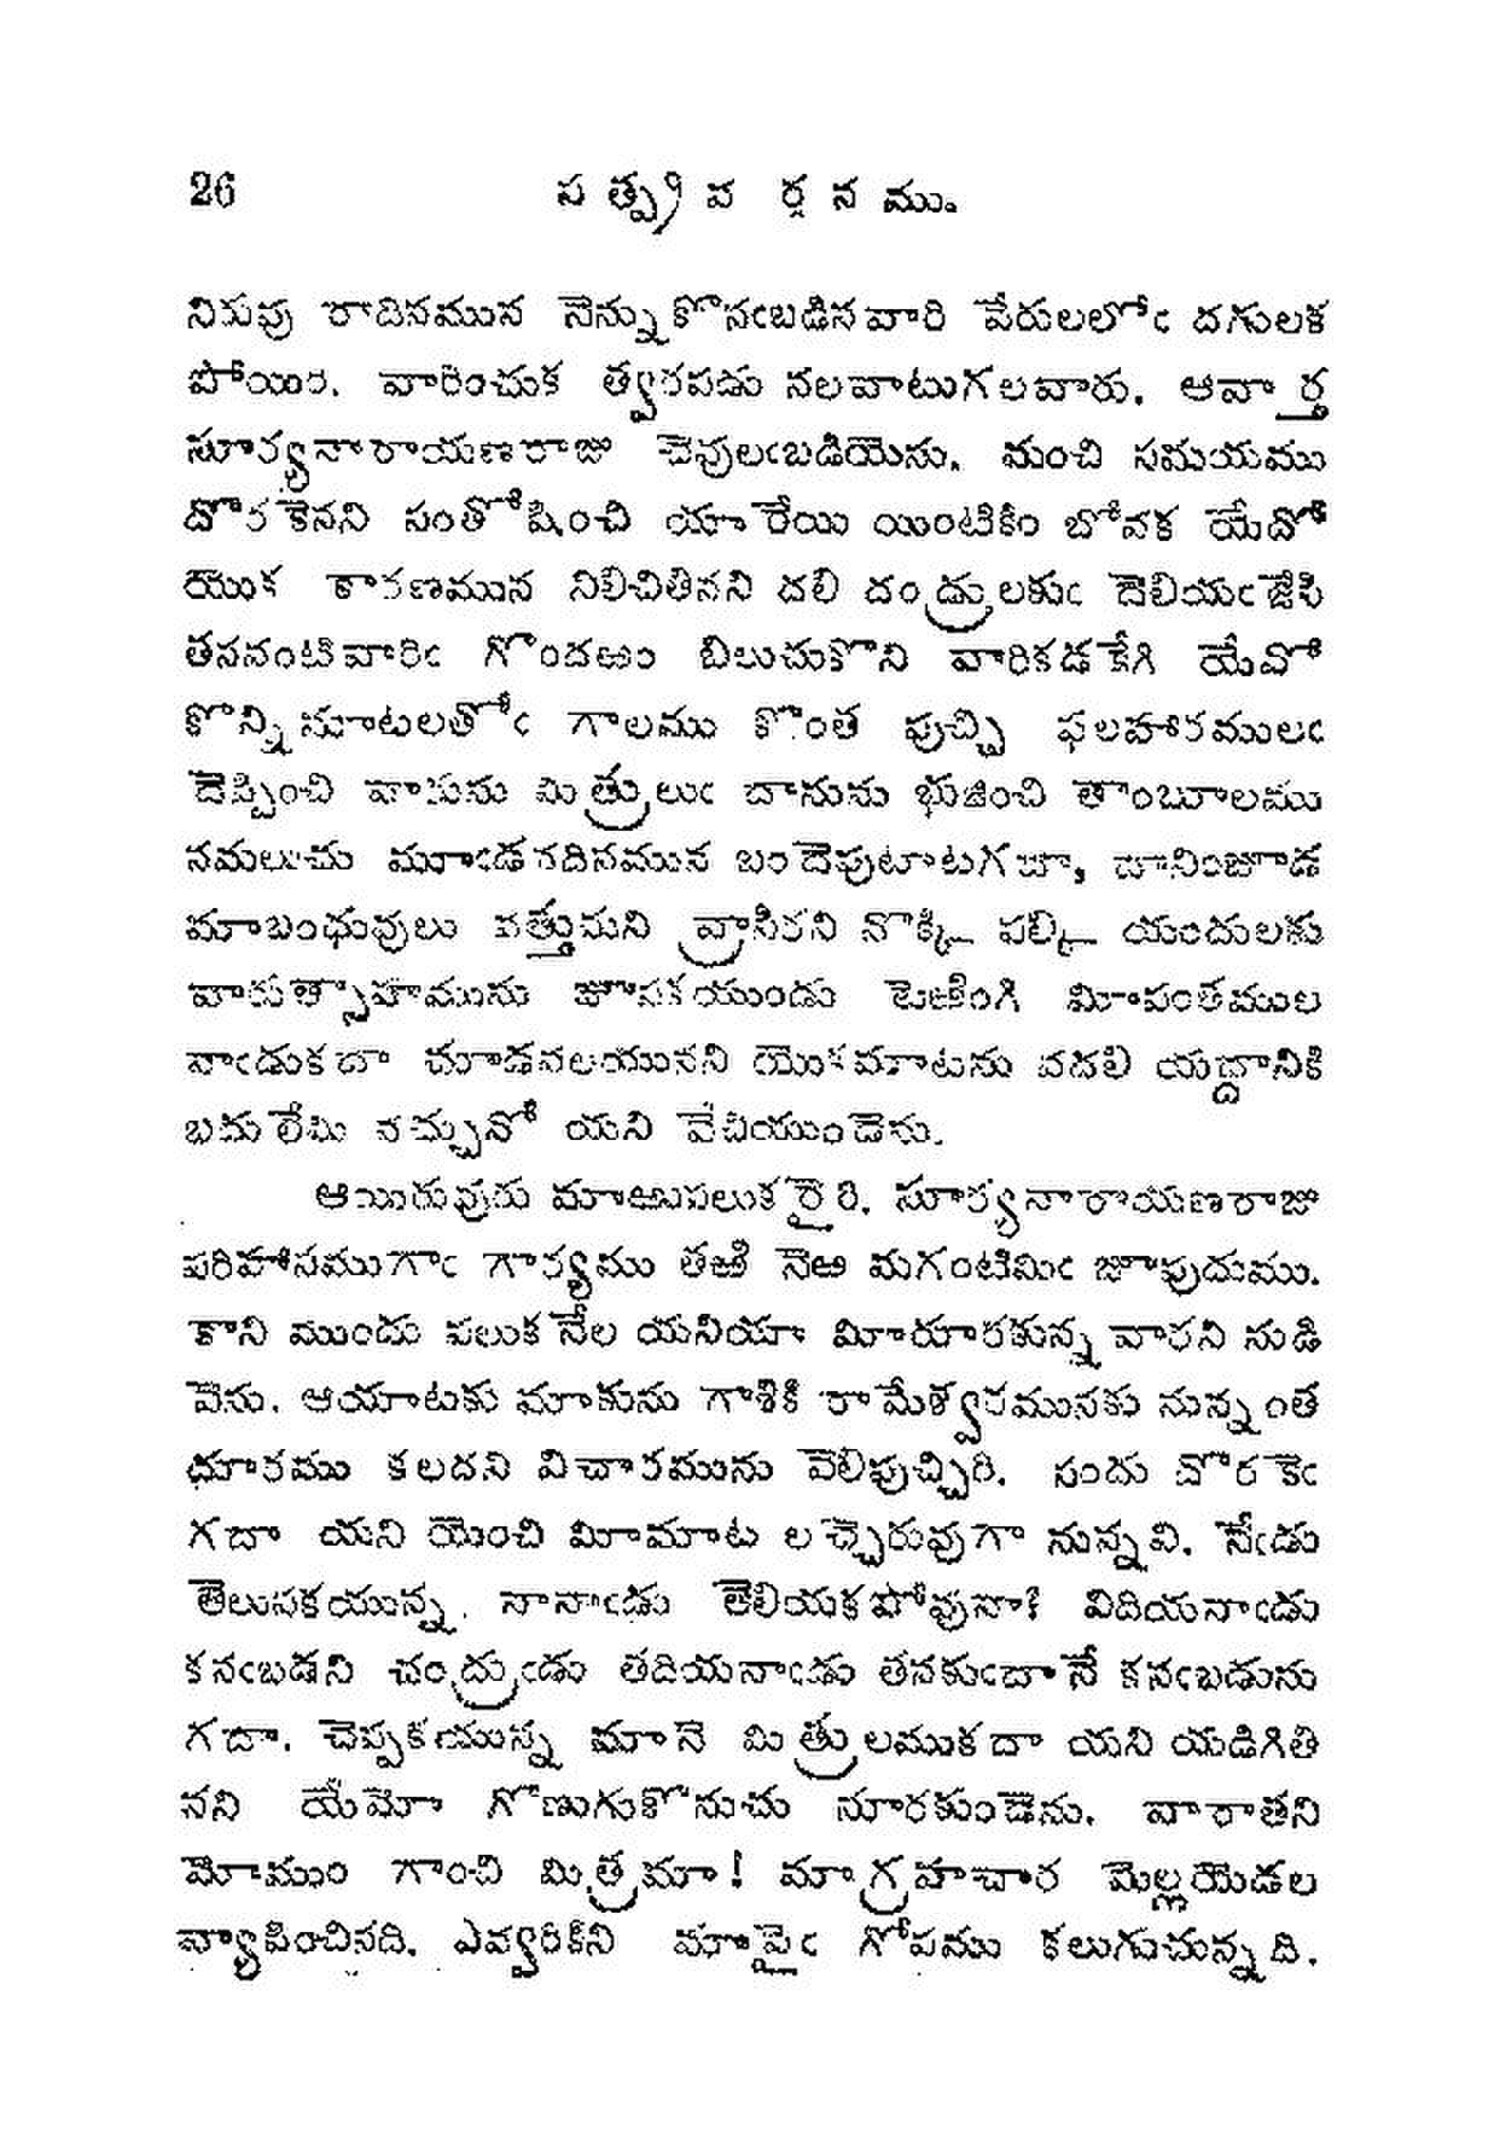నిరుపు రాదినమున నేన్ను కొనఁబడిన వారి పేరులలోఁ దగులక పోయింది. వారించుక త్వరపడు నలవాటుగలవారు. ఆవార్త సూర్యనారాయణ రాజు చెవులఁబడియెను, మంచి సమయము దొరకేనని సంతోషించి యారేయి యింటికిం బోవక "యేదో
యుక కారణమున నిలిచితినని దలి దండ్రులకుఁ దెలియం జేసి తనవంటి వారిఁ గొందఱు బిబుచుకొని వారికడకేగి యేవో కొన్ని మాటలతో గాలము కొంత పుచ్చి ఫలహారములలో దెప్పించి వారును మిత్రులుఁ దానును భుజించి తాంబూలము నమలచు మూఁడవదినమున బందెపుటాటగదా, దానింజూగాడ మాబంధువులు వత్తుమని వ్రాసిన నొక్కి. ఫల్కి యందులకు వారుత్సాహమును జూగకయుండుటెఱింగి మీ పంతముల వాడుకదా చూడవలయునని యొక మాటను వదలి యద్దానికి బదులేమి వచ్చునో యని వేచియుండెను.

ఆయిరువురు మాఱుపలుకరైరి, సూర్యనారాయణరాజు పరిహాసముగాఁ గార్యము తఱి నెఱ మగంటిమిల జూపుదుము. కాని ముందు పలుక నేల యనియా మీరూరకున్న వారని నుడివెను, ఆయాటకు మాకును గాశికి “రామేశ్వరమునకు నున్నంత ధూరము కలదని విచారమును వెలిపుచ్చిరి. సందు దొరకెగదా యని యెంచి మీమాటల చ్చెరువుగా నున్నవి. "నేఁడు తెలుపకయున్న నానాడు తెలియక పోవునా? విదియనాడు కనఁబడని చంద్రుడు తదియనాఁడు తనకుదానే కనఁబడును గదా, చెప్పక మున్న మానే మిత్రులముకదా యని యడిగితీనని యేమో గొణుగుకొనుచు నూరకుండెను. 'వా రాతని మోముం గాంచి మిత్రమా! మాగ్రహచార మెల్ల యెడల న్యాపించినది, ఎవ్వరికని మా పైన గోపము కలుగుచున్నది .